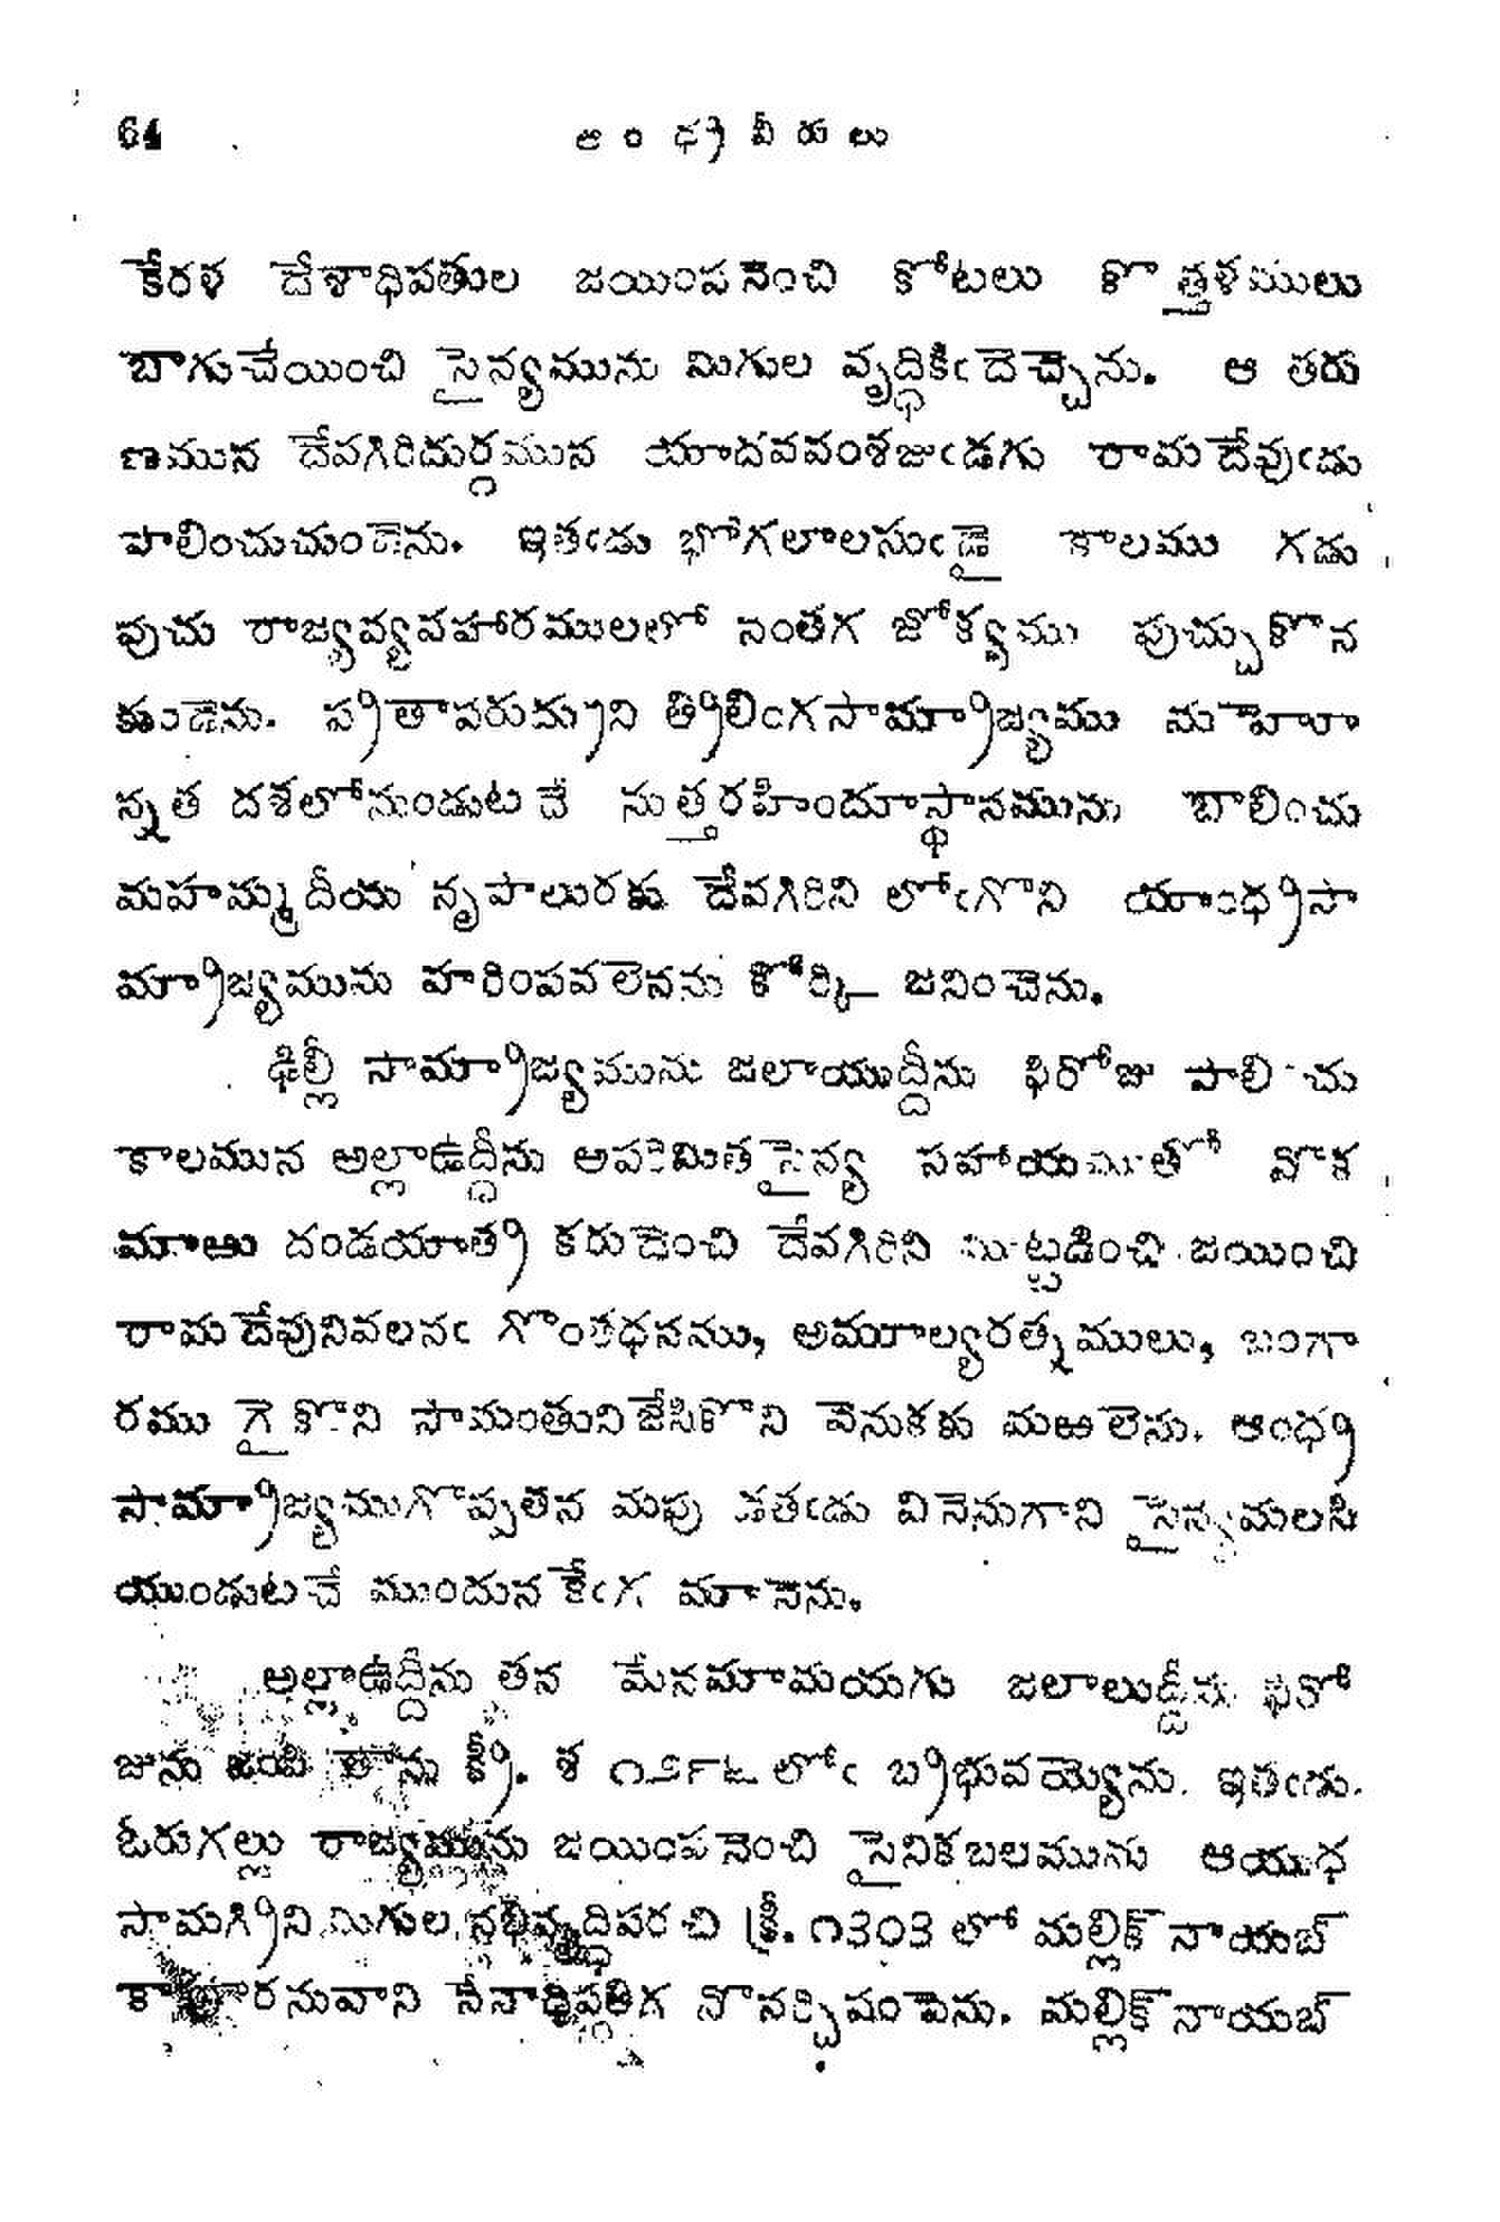కేరళ దేశాధిపతుల జయింపనెంచి కోటలు కొత్తళములు బాగుచేయించి సైన్యమును మిగుల వృద్ధికిదెచ్చెను. ఆ తరుణమున దేవగిరిదుర్గమున యాదవవంశజుడగు రామదేవుడు పాలించుచుండెను. ఇతడు భోగలాలసుడై కాలము గడుపుచు రాజ్యవ్యవహారములలో నంతగ జోక్యము పుచ్చుకొనకుండెను. ప్రతాపరుద్రుని త్రిలింగసామ్రాజ్యము మహోన్నత దశలోనుండుటచే నుత్తరహిందూస్థానమును బాలించు మహమ్మదీయ నృపాలురకు దేవగిరిని లోగొని యాంధ్రసామ్రాజ్యమును హరింపవలెనను కోర్కి జనించెను.

డిల్లీ సామ్రాజ్యమును జలాయుద్దీను ఫిరోజు పాలించు కాలమున అల్లాఉద్దీను అపరిమితసైన్య సహాయముతో నొకమాఱు దండయాత్ర కరుదెంచి దేవగిరిని ముట్టడించి జయించి రామదేవునివలన గొంతధనము, అమూల్యరత్నములు, బంగారము గైకొని సామంతునిజేసికొని వెనుకకు మఱలెను. ఆంధ్ర సామ్రాజ్యముగొప్పతన మపు డతడు వినెనుగాని సైన్యమలసి యుండుటచే ముందునకేగ మానెను.

అల్లాఉద్దీను తన మేనమామయగు జలాలుద్దీను ఫిరోజును జంపి తాను క్రీ.శ. 1296 లో బ్రభువయ్యెను. ఇతడు ఓరుగల్లు రాజ్యమును జయింపనెంచి సైనికబలమును ఆయుధసామగ్రిని మిగుల నభివృద్ధిపరచి క్రీ. 1303 లో మల్లిక్ నాయబ్ కాపూరనువాని సేనాధిపతిగ నొనర్చిపంపెను. మల్లిక్ నాయబ్